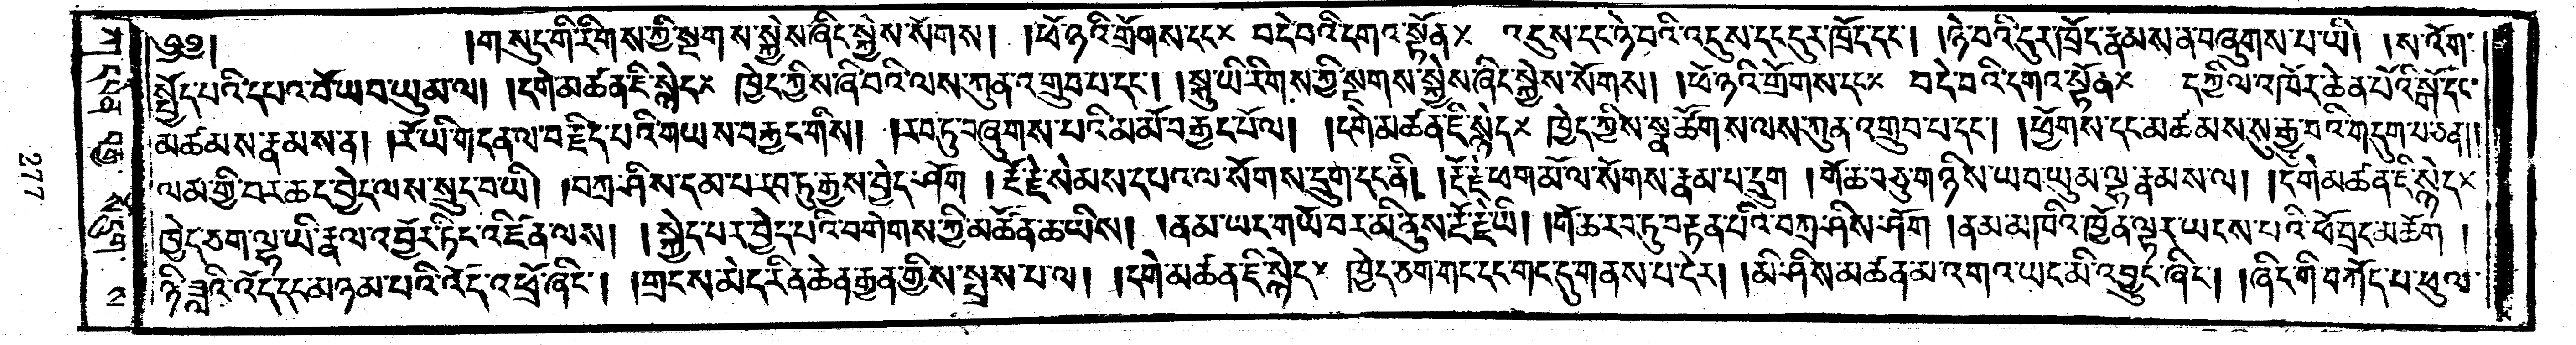༄༅། །གསུང་གི་རིགས་ཀྱི་སྔགས་སྐྱེས་ཞིང་སྐྱེས་སོགས། །ཕོ་ཉའི་གྲོགས་དང་྾་བདེ་བའི་དགའ་སྟོན་྾་འདུས་དང་ཉེ་བའི་འདུས་དང་དུར་ཁྲོད་དང་། །ཉེ་བའི་དུར་ཁྲོད་རྣམས་ན་བཞུགས་པ་ཡི། །ས་འོག་
སྤྱོད་པའི་དཔའ་བོ་ཡབ་ཡུམ་ལ། །དགེ་མཚན་ཇི་སྙེད་྾་ཁྱེད་ཀྱིས་ཞི་བའི་ལས་ཀུན་འགྲུབ་པ་དང་། །སྐུ་ཡི་རིགས་ཀྱི་སྔགས་སྐྱེས་ཞིང་སྐྱེས་སོགས། །ཕོ་ཉའི་གྲོགས་དང་྾་བདེ་བའི་དགའ་སྟོན་྾་དཀྱིལ་འཁོར་ཆེན་པོའི་སྒོ་དང་
མཚམས་རྣམས་ན། །རོ་ཡི་གདན་ལ་བརྗིད་པའི་གཡས་བརྐྱང་གིས། །རབ་ཏུ་བཞུགས་པའི་མ་མོ་བརྒྱད་པོ་ལ། །དགེ་མཚན་ཇི་སྙེད་྾་ཁྱེད་ཀྱིས་སྣ་ཚོགས་ལས་ཀུན་འགྲུབ་པ་དང་། །ཕྱོགས་དང་མཚམས་སུ་རྒྱུ་བའི་གདུག་པ་ཅན།།
ལམ་གྱི་བར་ཆད་བྱེད་ལས་སྲུང་བ་ཡི། །བཀྲ་ཤིས་དམ་པ་རབ་ཏུ་རྒྱས་བྱེད་ཤོག །རྡོ་རྗེ་སེམས་དཔའ་ལ་སོགས་དྲུག་དང་ནི། །རྡོ་རྗེ་ཕག་མོ་ལ་སོགས་རྣམ་པ་དྲུག །གོ་ཆ་བཅུ་གཉིས་ཡབ་ཡུམ་ལྷ་རྣམས་ལ། །དགེ་མཚན་ཇི་སྙེད་྾་
ཁྱེད་ཅག་ལྷ་ཡི་རྣལ་འབྱོར་ཏིང་འཛིན་ལས། །སྐྱེད་པར་བྱེད་པའི་བགེགས་ཀྱི་མཚོན་ཆ་ཡིས། །ནམ་ཡང་གཡོ་བར་མི་ནུས་རྡོ་རྗེ་ཡི། །གོ་ཆ་རབ་ཏུ་བརྟན་པའི་བཀྲ་ཤིས་ཤོག །ནམ་མཁའི་ཁྱོན་ལྟར་ཡངས་པའི་ཕོ་བྲང་མཆོག །
ཉི་ཟླའི་འོད་དང་མཉམ་པའི་འོད་འཕྲོ་ཞིང་། །གྲངས་མེད་རིན་ཆེན་རྒྱན་གྱིས་སྤྲས་པ་ལ། །དགེ་མཚན་ཇི་སྙེད་྾་ཁྱེད་ཅག་གང་དང་གང་དུ་གནས་པ་དེར། །མི་ཤིས་མཚན་མ་འགའ་ཡང་མི་འབྱུང་ཞིང་། །ཞིང་གི་བཀོད་པ་ཕུལ་